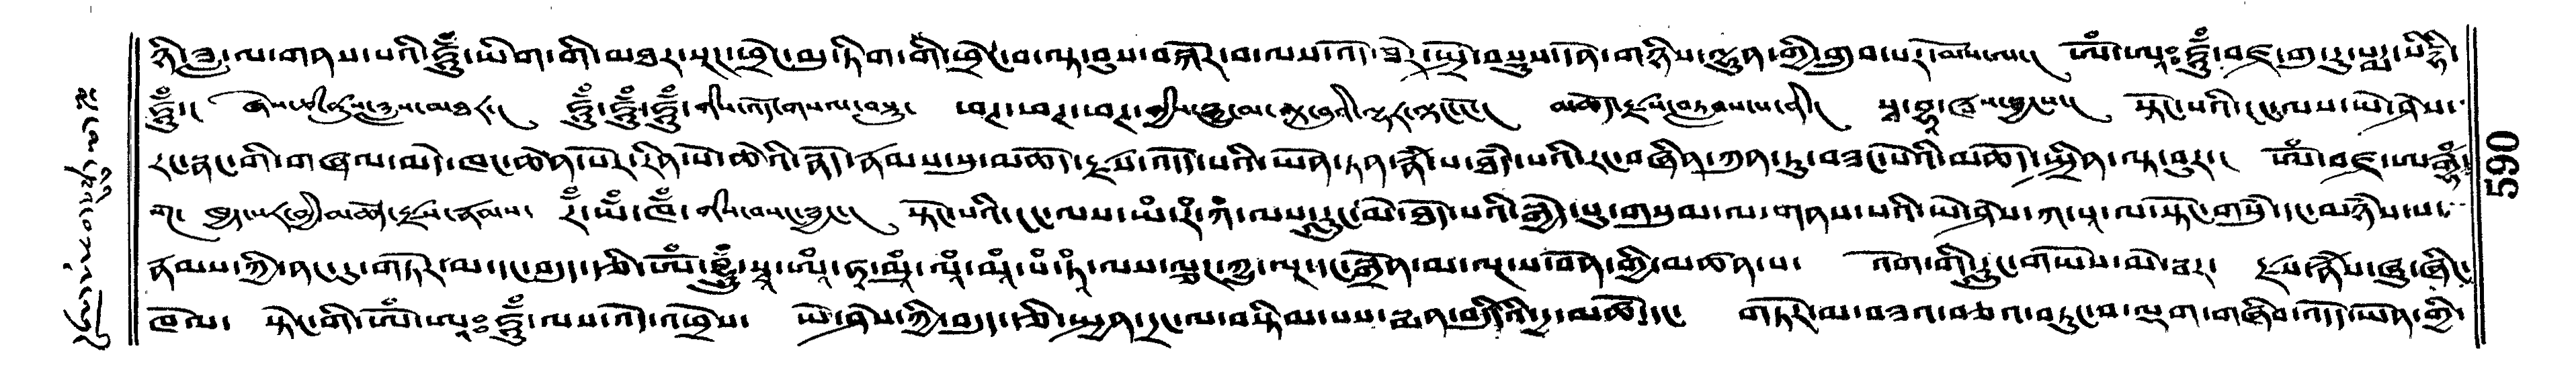ཉི་ཟླ་ལ་གནས་པའི་ཧཱུྃ་ཡིག་གི་མཐར་སྔགས་ཕྲེང་མུ་ཏིག་གི་ཕྲེང་བ་ལྟ་བུས་བསྐོར་བ་ལས་འོད་ཟེར་སྤྲོ་བསྡུས་དོན་གཉིས་ལྷུན་གྱི་གྲུབ་པར་མོས་ལ། ཨོཾ་ཨཱཿཧཱུྃ་བཛྲ་གུ་རུ་པདྨ་སིདྷི་
ཧཱུྃ། ཞེས་ཅི་ནུས་བཟླས་མཐར། ཧཱུྃ་ཧཱུྃ་ཧཱུྃ་གིས་འོད་གསལ་བསྡུ། ཕཊ་ཕཊ་ཕཊ་གྱིས་སྒྱུ་མ་ལྟ་བུའི་ལྷར་ལྡང་ངོ་། །མཆོད་རྫས་རློབ་པ་ནི། སྭ་བྷཱ་ཝ ས་སྦྱངས། སྟོང་པའི་ངང་ལས་ཡེ་ཤེས་
རང་སྣང་གི་གཞལ་མེད་ཁང་ཆེན་པོར་རིན་པོ་ཆེའི་སྣོད་རྣམས་སུ་མཆོད་རྫས་འདོད་པའི་ཡོན་ཏན་རྣམ་པ་ཐམས་ཅད་པའི་རང་བཞིན་ཀུན་ཏུ་བཟང་པོའི་མཆོད་སྤྲིན་ལྟ་བུར། ཨོཾ་བཛྲ་ཨརྒྷཾ་
སོགས། ཁྱད་པར་གྱི་མཆོད་རྫས་རྣམས། རྃ་ཡྃ་ཁྃ་གིས་བསང་སྦྱང་། སྟོང་པའི་ངང་ལས་ཡཾ་རཾ་ཀཾ་ལས་རླུང་མི་ཐོད་པའི་སྒྱེད་པུ་གསུམ་ལ་གནས་པའི་ཡེ་ཤེས་ཀ་པཱ་ལ་སྟོང་གསུམ་དང་མཉམ་པ་
རྣམས་ཀྱི་ནང་དུ་གཏོར་མ་དང་བདུད་རྩི་ཨོཾ་བྷྲུྃ་སྭ་ཨཱཾ་ཧཱ་མུཾ་ལཱཾ་མཱཾ་པཾ་ཏཱཾ་ལས་ལྕགས་ཀྱུ་ལྔ་དང་སྒྲོན་མ་ལྔ་ས་བོན་གྱིས་མཚན་པ། འོག་གི་རླུང་གཡོས་མེ་སྦར། རྫས་རྣམས་ཞུ་ཞིང་
ཁོལ། སྟེང་གི་ཨོཾ་ཨཱཿཧཱུྃ་ལས་འོད་འཕྲོས། ཡེ་ཤེས་ཀྱི་བདུད་རྩི་སྤྱན་དྲངས་ལ་བསྟིམས་པས་སྨན་བདུད་རྩིའི་རྒྱ་མཚོ་དང་། གཏོར་མ་བཟའ་བཅའ་བཏུང་བ་ལྡག་གཞིབ་འདོད་ཡོན་གྱི་